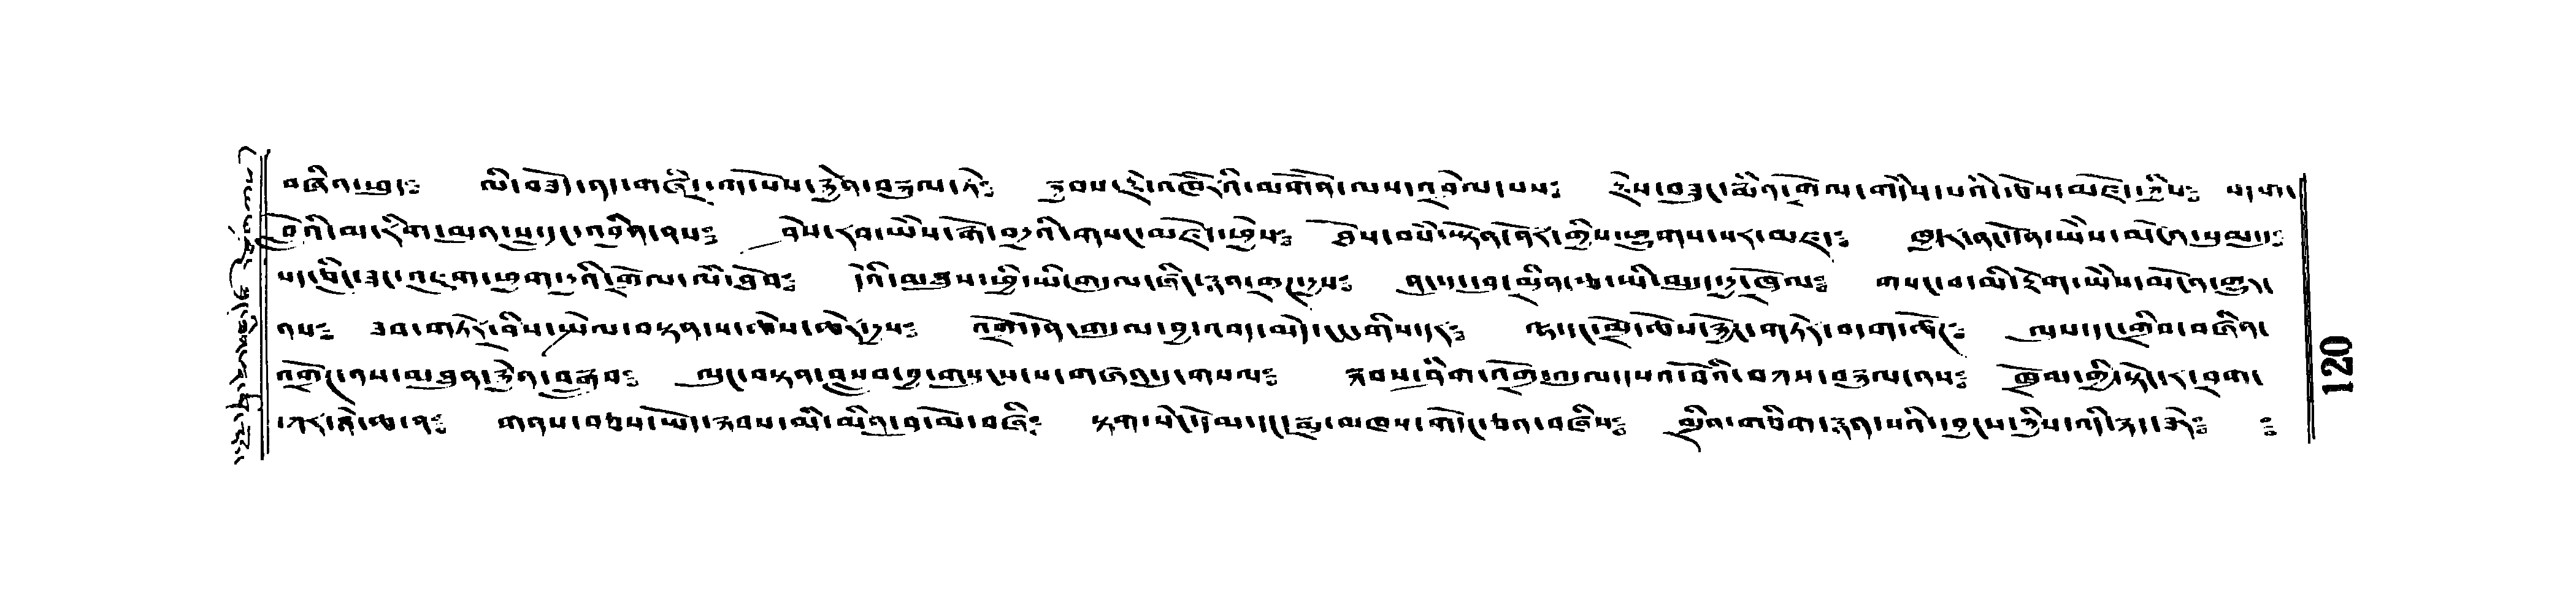བཞིན་ཕུད༔ མི་བཟོད་ནད་གཞི་དྲག་པོས་རྐྱེན་བསྐུལ་ཏེ༔ སྐྱབས་རྗེ་འཁོར་ལོའི་མགོན་པོ་ལས་འབྲེལ་པས༔ རྗེས་བཟུང་སྨིན་གྲོལ་གདམས་པའི་ཆོས་མཛོད་ཀྱིས༔ བདག་
བློའི་མ་རིག་མུན་པ་དྲུང་འབྱིན་ནས༔ ཤེས་རབ་ཡེ་ཤེས་སྒོ་བརྒྱའི་གསང་མཛོད་ཕྱེས༔ ཐོས་བསམ་ཡོན་ཏན་ནོར་གྱིས་ཕྱུག་པར་མཛད༔ ཁྱད་པར་ནང་དོན་ཡེ་ཤེས་མངོན་སུམ་དུ༔
སད་ཅིང་ཟུང་འཇུག་ཕྱག་རྒྱའི་གྲོལ་ལམ་ཐོབ༔ དེའི་མཐུས་ཕྱི་ཡི་གདུལ་ཞིང་སྙན་གྲགས་རྒྱས༔ ནང་དུ་དབུ་མགྲིན་རྩ་ཡི་མདུད་རྒྱ་ཁྲོལ༔ གསང་བ་མི་རྟོག་ཡེ་ཤེས་མངོན་གྱུར་
ནས༔ ཟབ་གཏེར་བྲིས་སྤེལ་བསྟན་པ་ཆེས་ཆེར་རྒྱས༔ འགྲོ་དོན་གདུལ་བྱ་འབད་མེད་ངང་གིས་དར༔ ལྷ་དང་མཁའ་འགྲོ་ཆོས་སྐྱོང་གཏེར་བདག་ཚོགས༔ ལུས་དང་གྲིབ་བཞིན་
འགྲོགས་ནས་མཐུན་རྐྱེན་བསྒྲུབས༔ ལུང་བསྟན་བསླབ་བྱ་གསུངས་པ་གཞན་དུ་གསལ༔ སྐབས་ཤིག་འགྲོ་འདུལ་དཔའ་བོའི་བཀས་བསྐུལ་ནས༔ ཁྲོམ་གྱིས་སྟོང་ར་བྲག་
དཀར་ཉེ་ཆ་ན༔ གནས་བཅས་ཡོད་སྐབས་མི་མིན་བུ་མོ་བཞི༔ སྟག་སེང་དོམ་དང་སྨྲ་མཁས་གདོང་ཅན་བཞིས༔ མགྲིན་ཅིག་སྙན་པའི་དབྱངས་ཀྱིས་འདི་སྐད་ཟེར༔